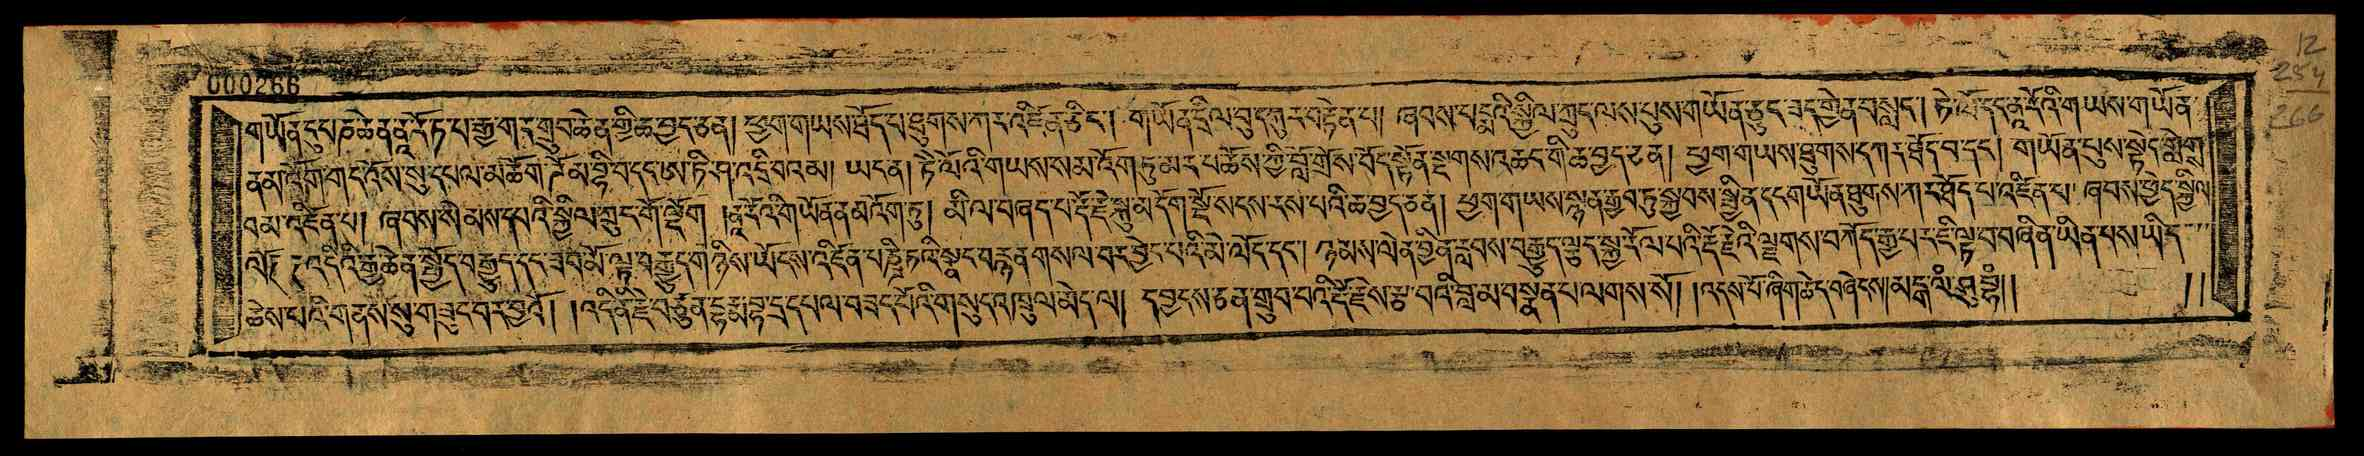གཡོན་དུ་པཎ་ཆེན་ནཱ་རོ་ཏ་བ་རྒྱ་གར་གྲུབ་ཆེན་གྱི་ཆ་བྱད་ཅན། ཕྱག་གཡས་ཐོད་པ་ཐུགས་པར་འཛིན་ཅིང་། གཡོན་དྲིལ་བུ་དཀུར་བརྟེན་པ། ཞབས་པདམའི་སྐྱིལ་ཀྲུང་ལས་པུས་གཡོན་ཅུང་ཟད་གྱེན་བསླང་། ཏེ་ལོ་དང་ནཱ་རོའི་གཡས་གཡོན་
ནམ་འོག་གང་འོས་སུ་དཔལ་མཆོག་ཊོམ་བྷི་བ་དང་མ་ཏི་ཤ་འདྲི་བའམ། ཡང་ན། ཏཻ་ལོའི་གཡས་སམ་འོག་ཏུ་མར་པ་ཆོས་ཀྱི་བློ་གྲོས་བོད་སྟོན་སྔགས་འཆང་གི་ཆ་བྱད་ཅན། ཕྱག་གཡས་ཐུགས་ཀར་ཐོད་པ་དང་། གཡོན་པུས་སྟེང་གླེགས་
བམ་འཛིན་པ། ཞབས་སེམས་དཔའི་སྐྱིལ་ཀྲུང་གོ་ལྡོག །ནཱ་རོའི་གཡོན་ནམ་འོག་ཏུ། མི་ལ་བཞད་པ་རྡོ་རྗེ་སྐུ་མདོག་སྔོ་སངས་རས་པའི་ཆ་བྱད་ཅན། ཕྱག་གཡས་སྙན་རྒྱབ་ཏུ་སྐྱབས་སྦྱིན་དང་གཡོན་ཐུགས་ཀར་ཐོད་པ་འཛིན་པ། ཞབས་ཕྱེད་སྐྱིལ་
ལོ༑ ༑འདིའི་རྒྱ་ཆེན་སྤྱོད་བརྒྱུད་དང་ཟབ་མོ་ལྟ་བརྒྱུད་གཉིས་ཡོངས་འཛིན་པཎྜིཏའི་སྣང་བརླན་གསལ་བར་བྱེད་པའི་མེ་ལོང་དང་། ཉམས་ལེན་བྱིན་རླབས་བརྒྱུད་ལྕང་སྐྱ་རོལ་བའི་རྡོ་རྗེའི་ལྗགས་བཀོད་རྒྱ་པར་ཇི་ལྟ་བ་བཞིན་ཡིན་པས་ཡིད་
ཆེས་པའི་གནས་སུ་གཟུང་བར་བྱའོ། །འདི་ནི་རྗེ་བཙུན་རྷརྨ་བྷ་དྲ་དཔལ་བཟང་པོའི་གསུང་འཁྲུལ་མེད་ལ། དབྱངས་ཅན་གྲུབ་པའི་རྡོ་རྗེས་རྩ་བའི་བླ་མ་བསྣན་པ་ལགས་སོ། །མངྒ་ལཾ་ཤུ་བྷཾ། །